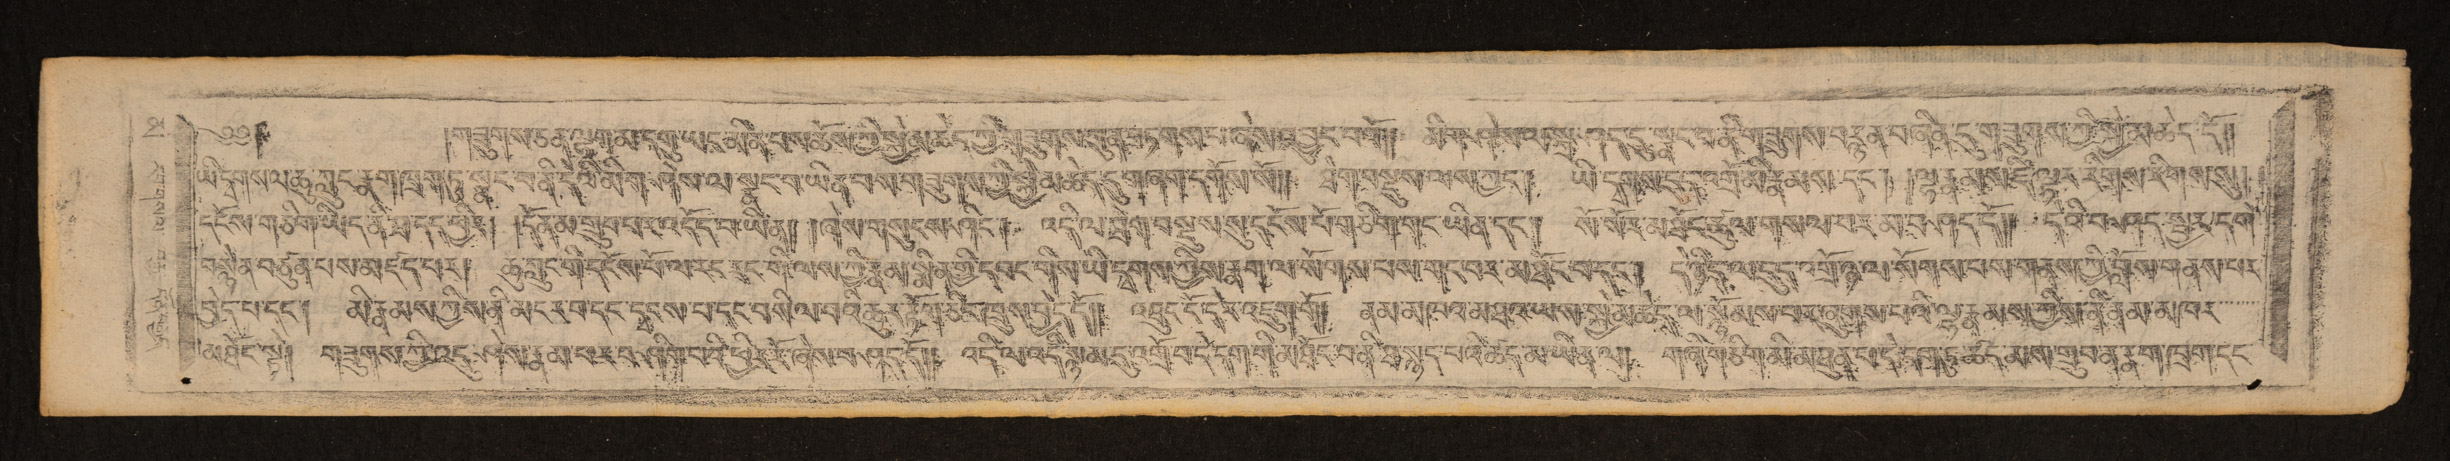༄༅། །གཟུགས་ཅན་ལྷག་མ་དགུ་ཡང་མིན་པས་ཆོས་ཀྱི་སྐྱེ་མཆེད་ཀྱི་གཟུགས་ཀུན་བརྟགས་པ་ཞེས་འབྱུང་བའོ།། མིག་ཤེས་ལ་སྐྲ་ཤད་དུ་སྣང་བ་ནི་གཟུགས་བརྙན་བཞིན་དུ་གཟུགས་ཀྱི་སྐྱེ་མཆེད་དོ།།
ཡི་དྭགས་ལ་ཆུ་ཀླུང་རྣག་ཁྲག་ཏུ་སྣང་བ་ནི་དེའི་མིག་ཤེས་ལ་སྣང་བ་ཡིན་པས་གཟུགས་ཀྱི་སྐྱེ་མཆེད་དུ་གཞག་དགོས་སོ།། ཐེག་བསྡུས་ལས་ཀྱང་། ཡི་དྭགས་དུད་འགྲོ་མི་རྣམས་དང་། །ལྷ་རྣམས་ཇི་ལྟར་རིགས་རིགས་སུ།།
དངོས་གཅིག་ཡིད་ནི་ཐ་དད་ཕྱིར། །དོན་མ་གྲུབ་པར་འདོད་པ་ཡིན། །ཞེས་གསུངས་ཤིང་། འདི་ལ་ཐེག་བསྡུས་སུ་དངོས་པོ་གཅིག་གང་ཡིན་དང་། སོ་སོར་མཐོང་ཚུལ་གསལ་བར་མ་བཤད་དོ།། དེའི་བཤད་སྦྱོར་དགེ་
བསྙེན་བཙུན་པས་མཛད་པར། ཆུ་ཀླུང་གི་དངོས་པོ་ལ་རང་རང་གི་ལས་ཀྱི་རྣམ་སྨིན་གྱི་དབང་གིས་ཡི་དྭགས་ཀྱིས་རྣག་ལ་སོགས་པས་གང་བར་མཐོང་བ་དང་། དེ་ཉིད་ལ་དུད་འགྲོ་ཉ་ལ་སོགས་པས་གནས་ཀྱི་བློས་གནས་པར་
བྱེད་པ་དང་། མི་རྣམས་ཀྱིས་ནི་མངར་བ་དང་དྭངས་པ་དང་བསིལ་བའི་ཆུར་རྟོག་ཅིང་ཁྲུས་བྱེད་དོ།། འཐུང་ངོ་དེར་འཇུག་གོ། ནམ་མཁའ་མཐའ་ཡས་སྐྱེ་མཆེད་ལ་སྙོམས་པར་ཞུགས་པའི་ལྷ་རྣམས་ཀྱིས་ནི་ནམ་མཁར་
མཐོང་སྟེ། གཟུགས་ཀྱི་འདུ་ཤེས་རྣམ་པར་བཤིག་པའི་ཕྱིར་རོ་ཞེས་བཤད་དོ།། འདི་ལ་འདི་སྙམ་དུ་འགྲོ་བ་དེ་དག་གི་མཐོང་བ་ནི་ཐ་སྙད་པའི་ཚད་མ་ཡིན་ལ། གཞི་གཅིག་མི་མཐུན་པ་དེ་དག་ཏུ་ཚད་མས་གྲུབ་ན་རྣག་ཁྲག་དང་